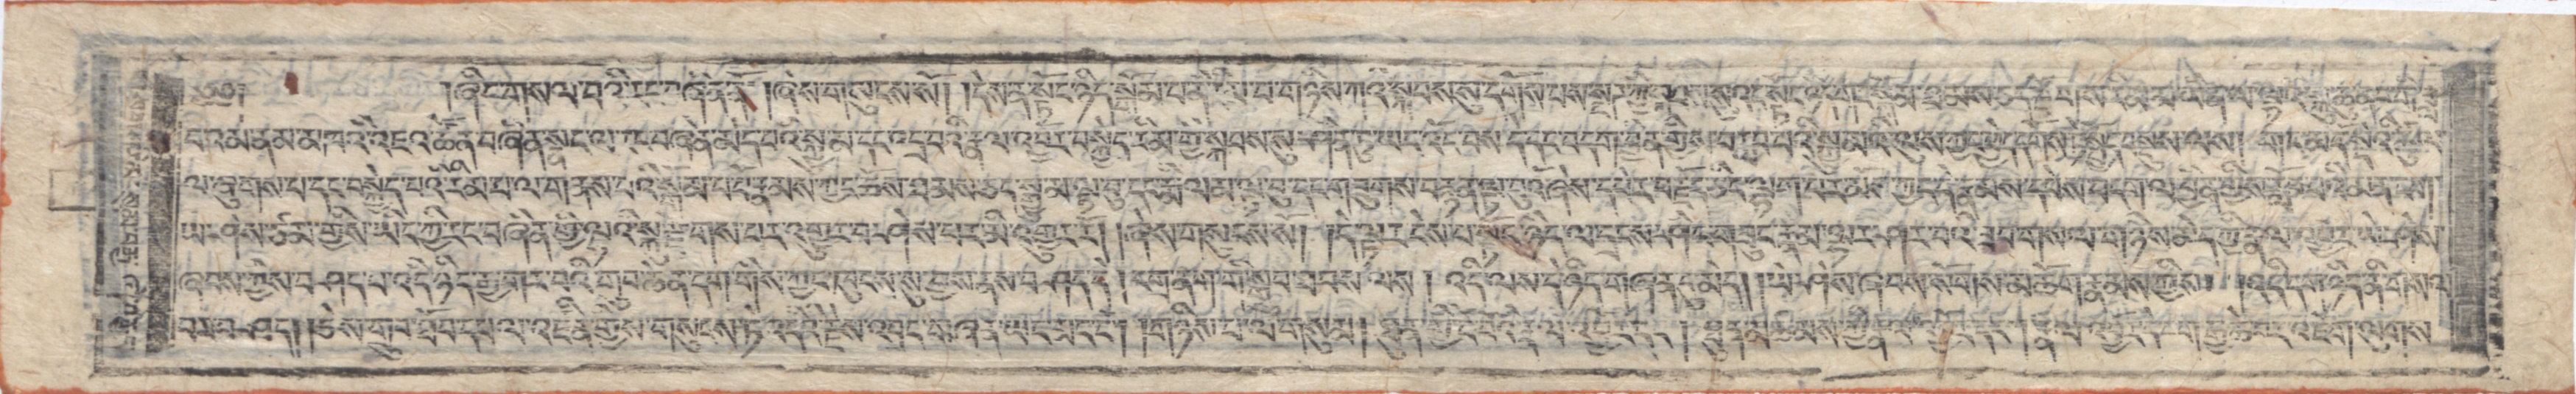༄༅། །ཞིང་གསལ་བའི་རང་བཞིན་ནོ་།ཞེས་གསུངས་སོ། །དེས་ན་སྟོང་ཉིད་སྒོམ་པ་ནི་རིམ་པ་གཉིས་ཀའི་སྐབས་སུ་དགོས་པས་སྔགས་ཀྱི་སྐབས་སུའང་སྟོང་ཉིད་གང་སྒོམ་ཐམས་ཅད་རྫོགས་རིམ་མ་ཡིན་ལ་ལྷའོ་སྐུ་ཆུ་ནང་གི་ཟླ་
བའམ་ནམ་མཁའི་འཇའ་ཚོན་བཞིན་སྣང་ལ་རང་བཞིན་མེད་པའི་སྒྱུ་མ་དང་འདྲ་བའི་རྣལ་འབྱོར་བསྐྱེད་རིམ་གྱི་སྐབས་སུ་ཤིན་ཏུ་ཡང་འོང་བས་དེ་དང་བདག་བྱིན་གྱིས་བརླབ་པའི་སྒྱུ་མའི་ལུས་ཀྱང་ཕྱེད་དགོས་ཏེ་སྤྱོད་བསྡུས་ལས། གང་མདོ་སྡེའི་ཚུ༧ལ་
ལ་ཞུགས་པ་དང་བསྐྱེད་པའི་རིམ་པ་ལ་གནས་པའི་སྒོམ་པ་པོ་རྣམས་ཀྱང་ཆོས་ཐམས་ཅད་སྒྱུ་མ་ལྟ་བུ་དང་རྨི་ལམ་ལྟ་བུ་དང་གཟུགས་བརྙན་ལྟ་བུའོ་ཞེས་དཔེར་བརྗོད་ཅིང་ལྷག་པར་མོས་ཀྱང་དེ་རྣམས་དཔེས་བདག་ལ་བྱིན་གྱིས་རློབ་པའི་མན་ངག་
ཡེ་ཤེས་ཙམ་གྱིས་ཡིད་ཀྱི་རང་བཞིན་གྱི་ལྷའི་སྐུ་རྫོགས་པར་འགྱུར་བ་ཤེས་པར་མི་འགྱུར་རོ། །ཞེས་གསུངས་སོ། །དེ་ལྟར་ངེས་པ་སྟོང་ཉིད་ལ་དྲངས་ཤིང་གཟུང་རྣམ་ལྷར་ཤར་བའི་ཟབ་གསལ་གཉིས་མེད་ཀྱི་རྣལ་འབྱོར་ཡེ་ཤེས་
ཞབས་ཀྱིས་བཤད་པ་འདི་ཉིད་རྒྱ་གར་བའི་གྲུབ་ཆེན་དག་གིས་ཀྱང་ཁུངས་སུ་བྱས་ནས་བཤད་དེ། དགྲ་ནག་གི་སྒྲུབ་ཐབས་ལས། འདི་ལས་དེ་ཉིད་གཞན་དུ་མེད། །ཡེ་ཤེས་ཞབས་སོགས་མཆོག་རྣམས་ཀྱིས། །འདི་དག་ཉིད་ནི་གསལ་
བར་བཤད། །ཅེས་གྲུབ་ཐོབ་དཔལ་འཛིན་གྱིས་གསུངས་ཏེ་འདིའི་རྗེས་འབྲང་གཞན་ཡང་མང་ངོ། །གཉིས་པ་ལ་གསུམ། ཐུན་གྱི་ངོ་བོའི་རྣལ་འབྱོར་དང་། ཐུན་མཚམས་ཀྱི་རྣལ་འབྱོར་དང་། རྣལ་འབྱོར་དེ་དག་རྒྱ་ཆེ་བར་འཇོག་ལུགས་